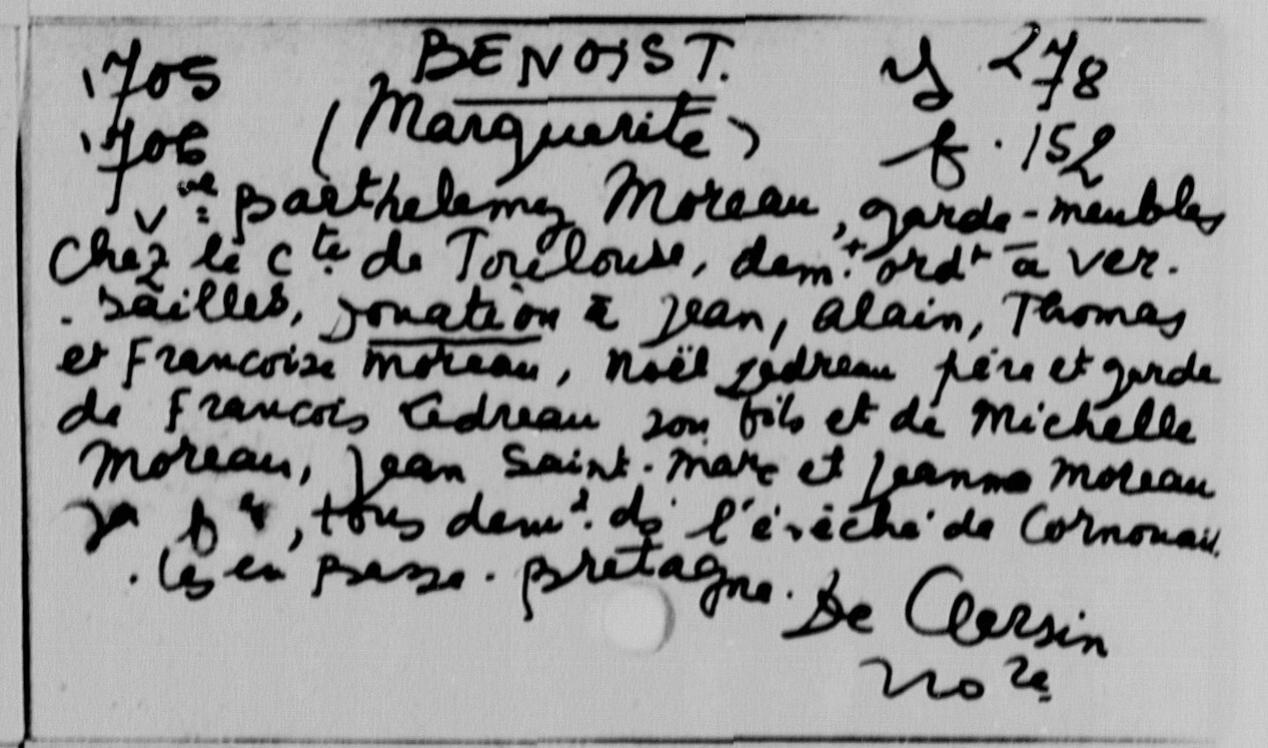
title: BENOIST (Marguerite)
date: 1705-1706
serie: Y
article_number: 278
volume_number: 152
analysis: Veuve Barthélémy Moreau, garde-Meubles chez le comte de Toulouse, demeurant ordinairement à Versailles. Donation à Jean, Alain, Thomas et Françoise Moreau, Noël Ledreau père et Garde de François Ledreau, son fils et de Michelle Moreau, Jean Saint-Marc et Jeanne Moreau, sa femme, tous demeurant des l'évêché de Cornouaille, les en Basse-Bretagne. De Clersin notaire
